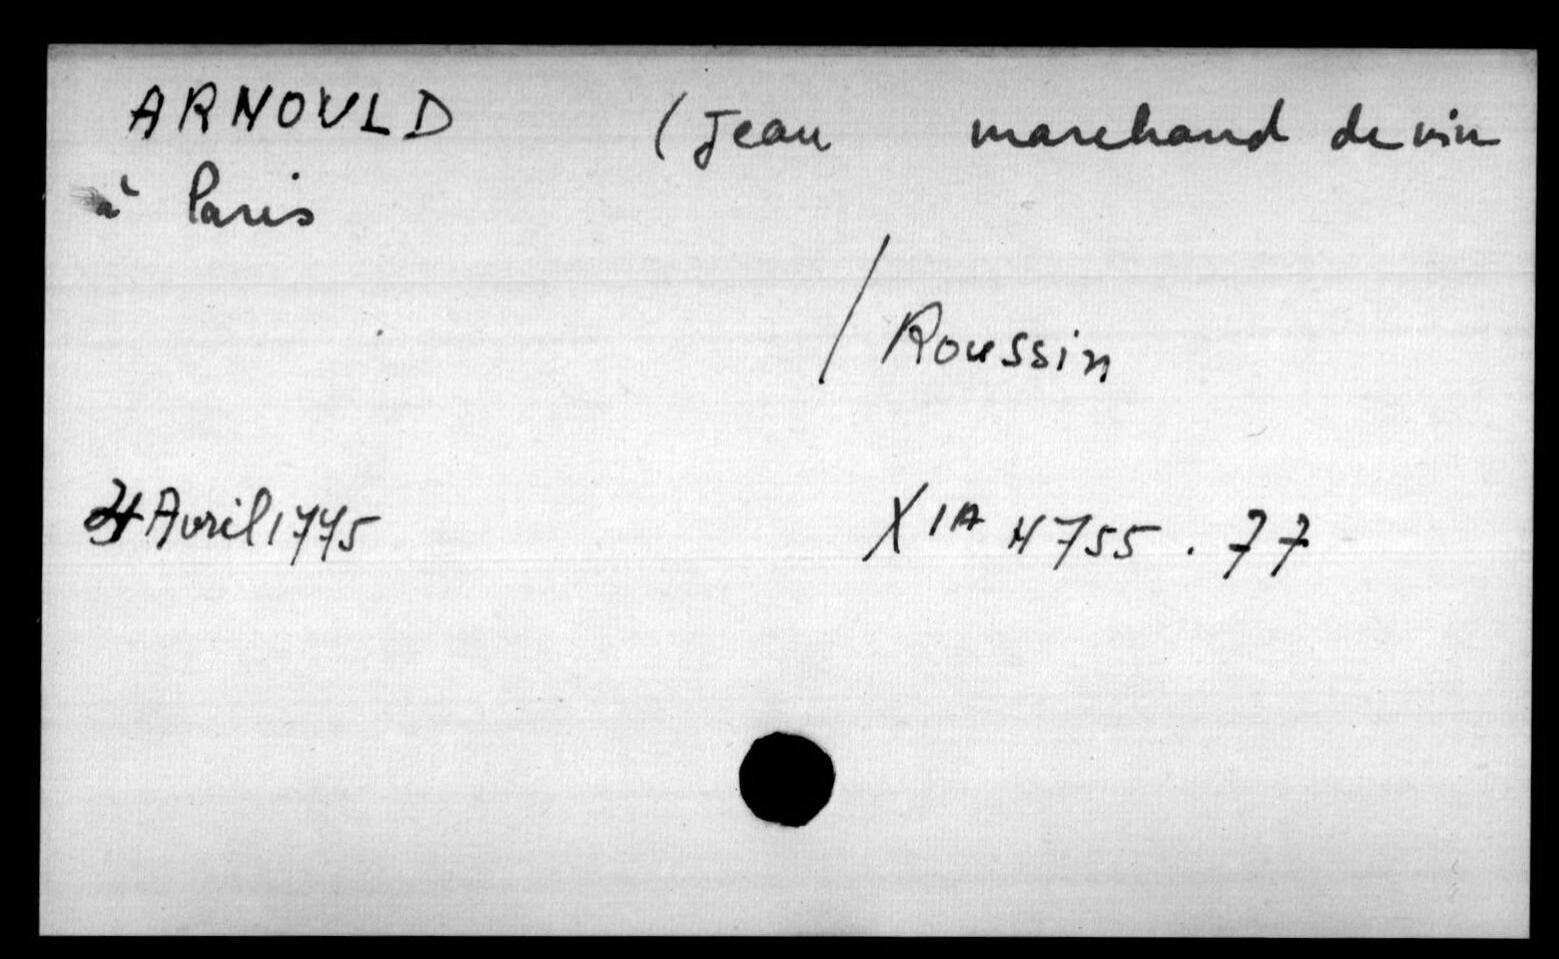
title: ARNOULD (Jean marchand de vin à Paris
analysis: Contre Roussin
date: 4 avril 1775
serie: X1A
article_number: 4755
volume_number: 77
